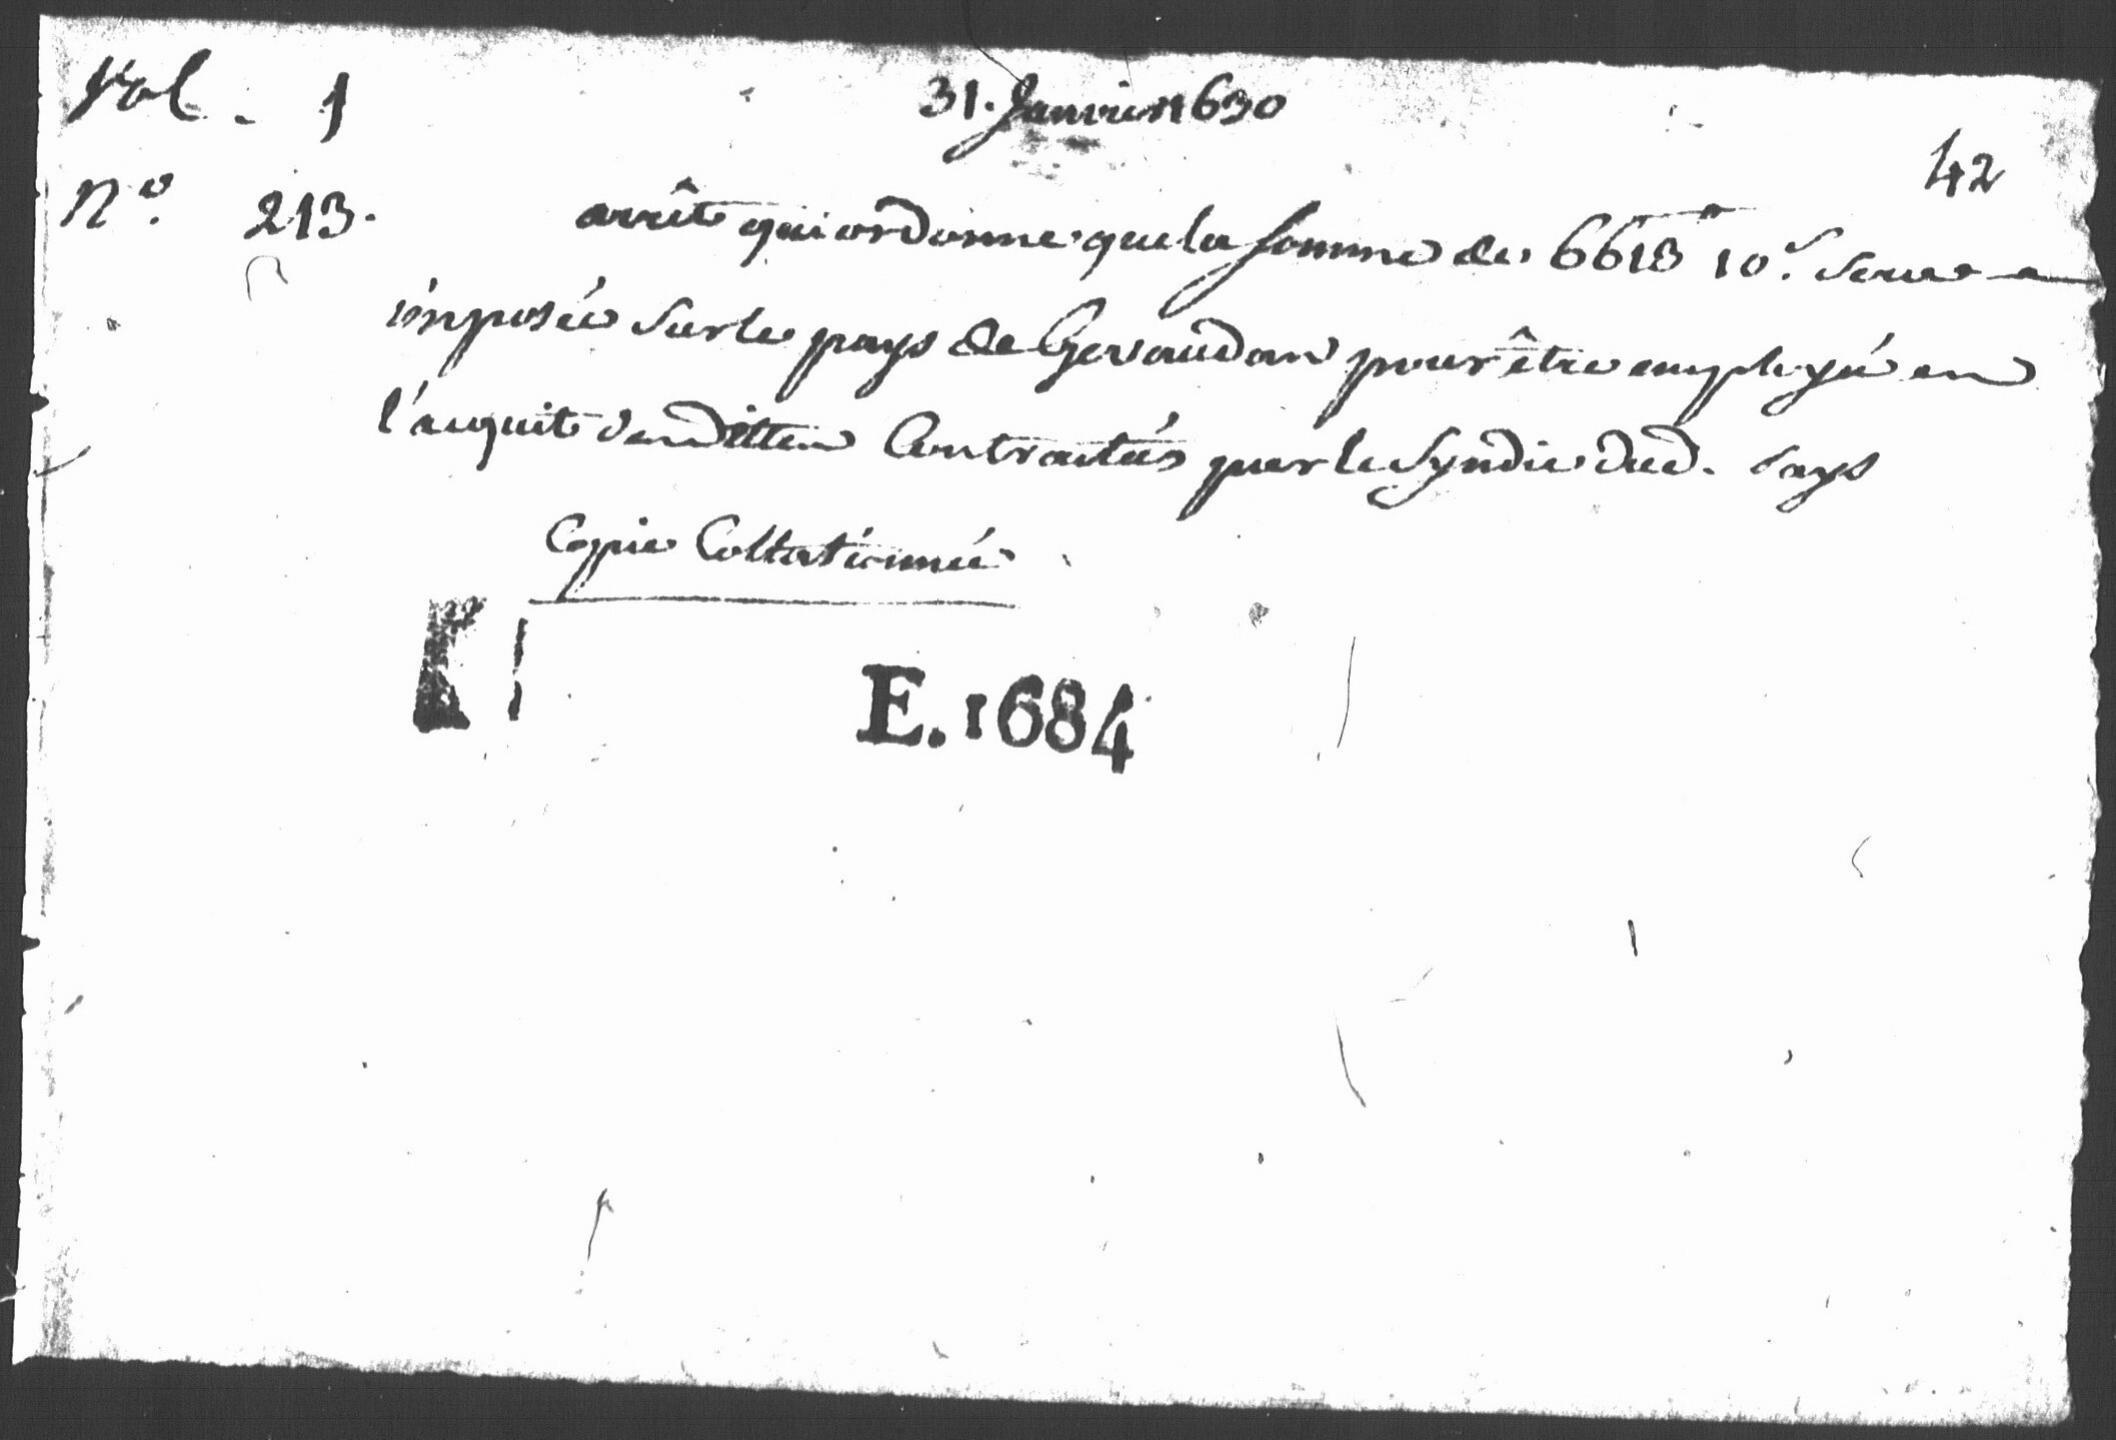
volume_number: n°213
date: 31 janvier 1630
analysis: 42
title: arrêt qui ordonne que la somme de 6613 # 10 s. sera imposée sur le pays de Gevaudan pour être employée en l'acquit des dettes contractées par le Syndic dud. pays copie collationnée
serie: E
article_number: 1684
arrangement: vol. 1
